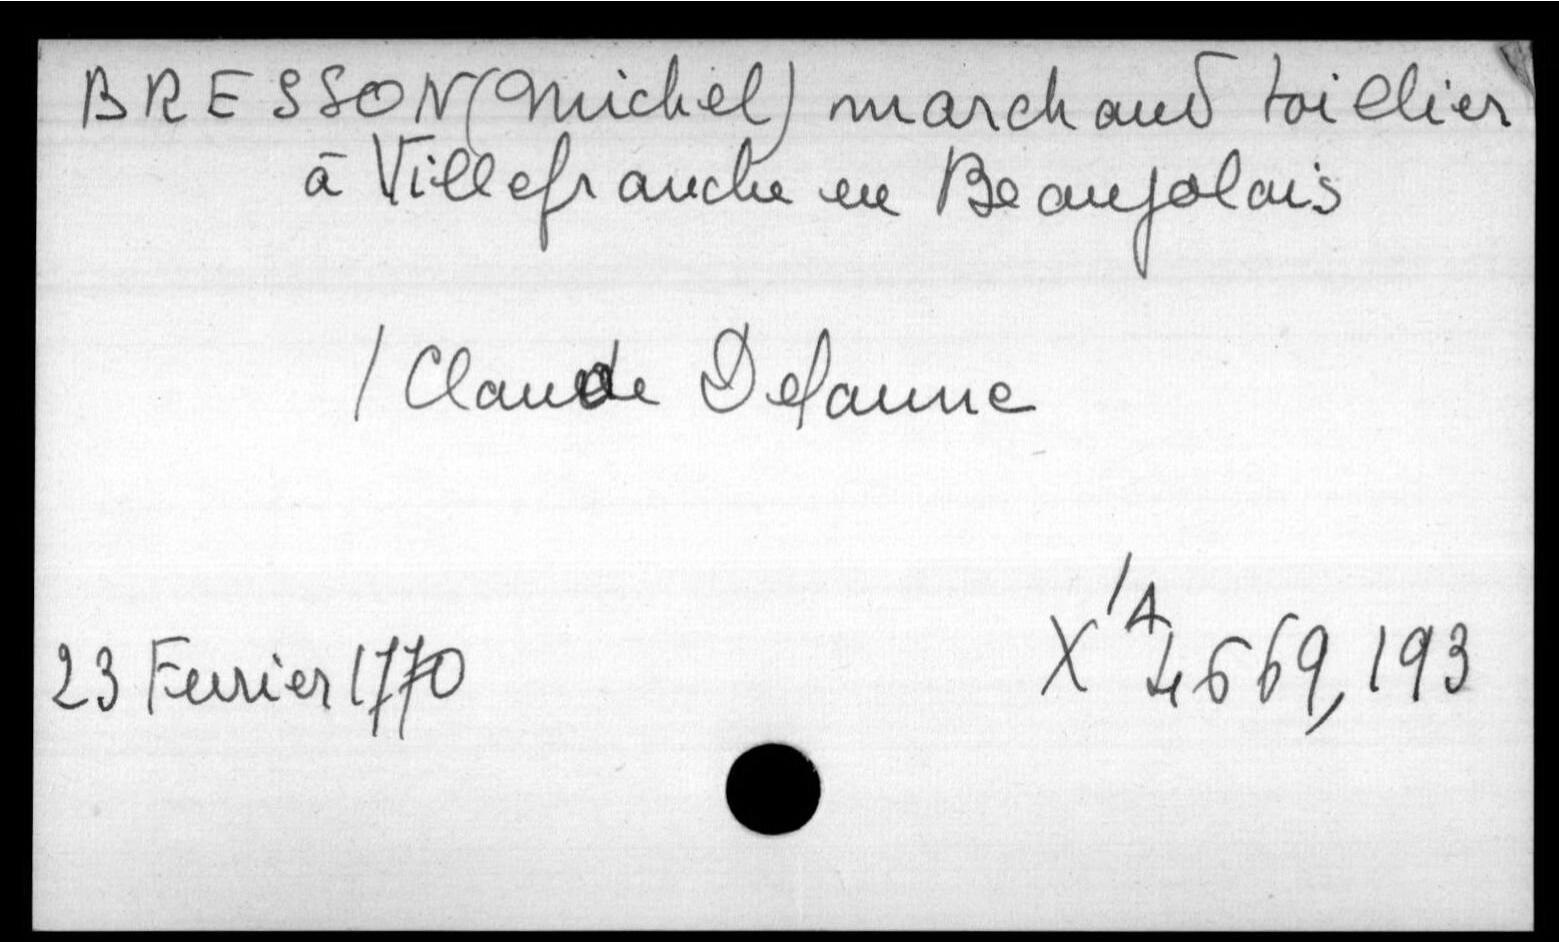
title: BRESSON (Michel) marchand toillier à Villefranche en Beaujolais
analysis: Contre Claude Delanne
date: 23 février 1770
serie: X1A
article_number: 4669
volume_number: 193
